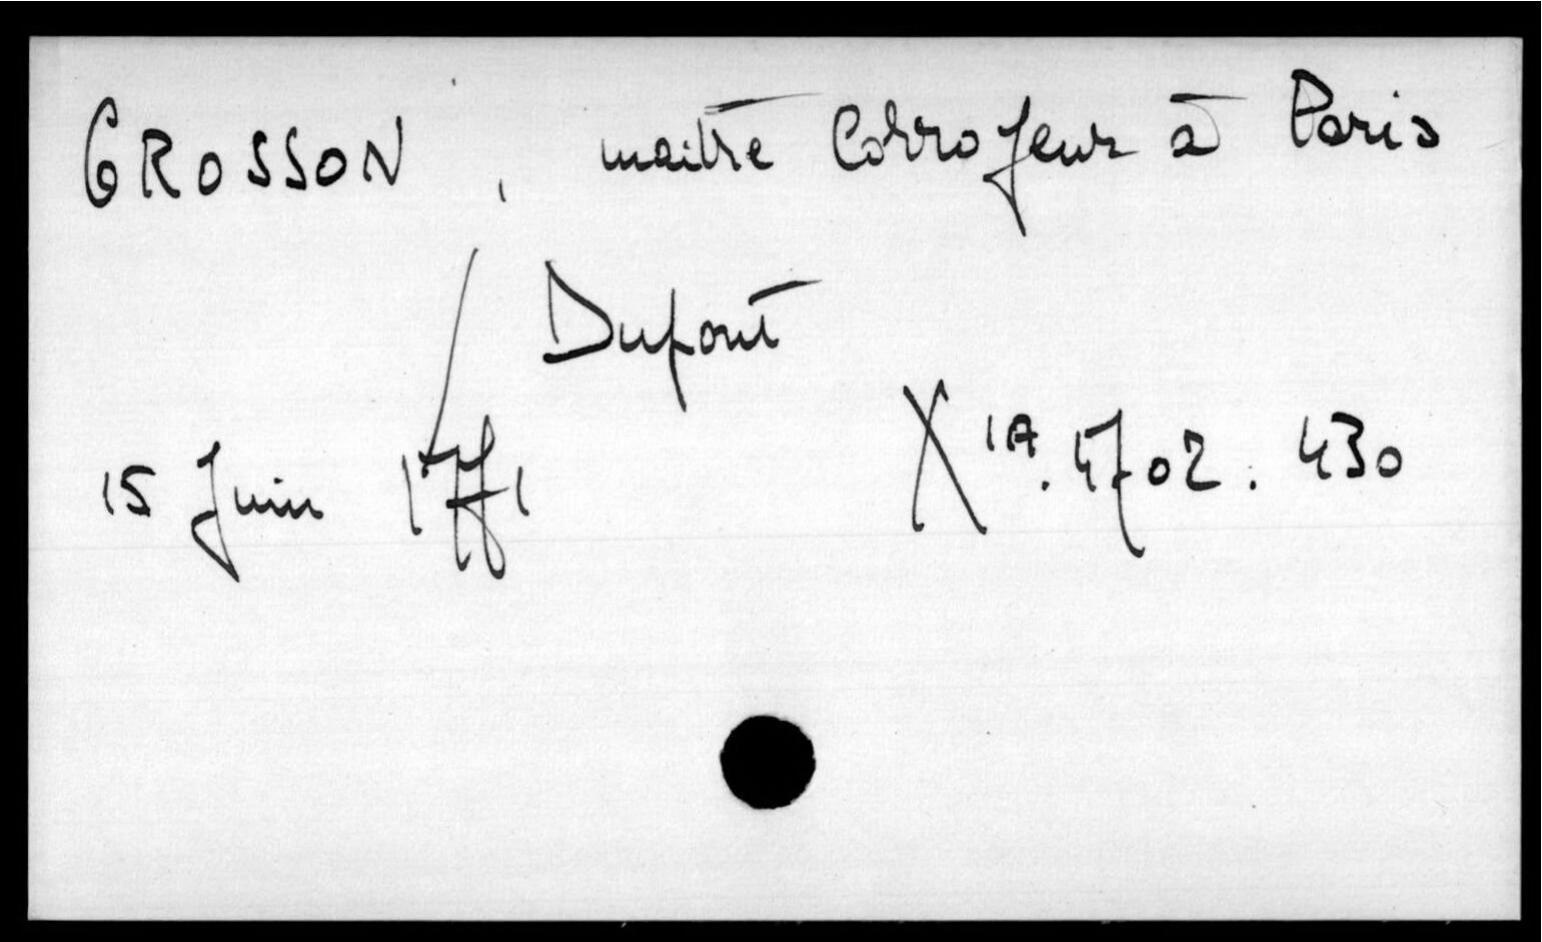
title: GROSSON, maître corroyeur à Paris
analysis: Contre Dufont
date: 15 juin 1771
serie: X1A
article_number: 4702
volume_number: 430
